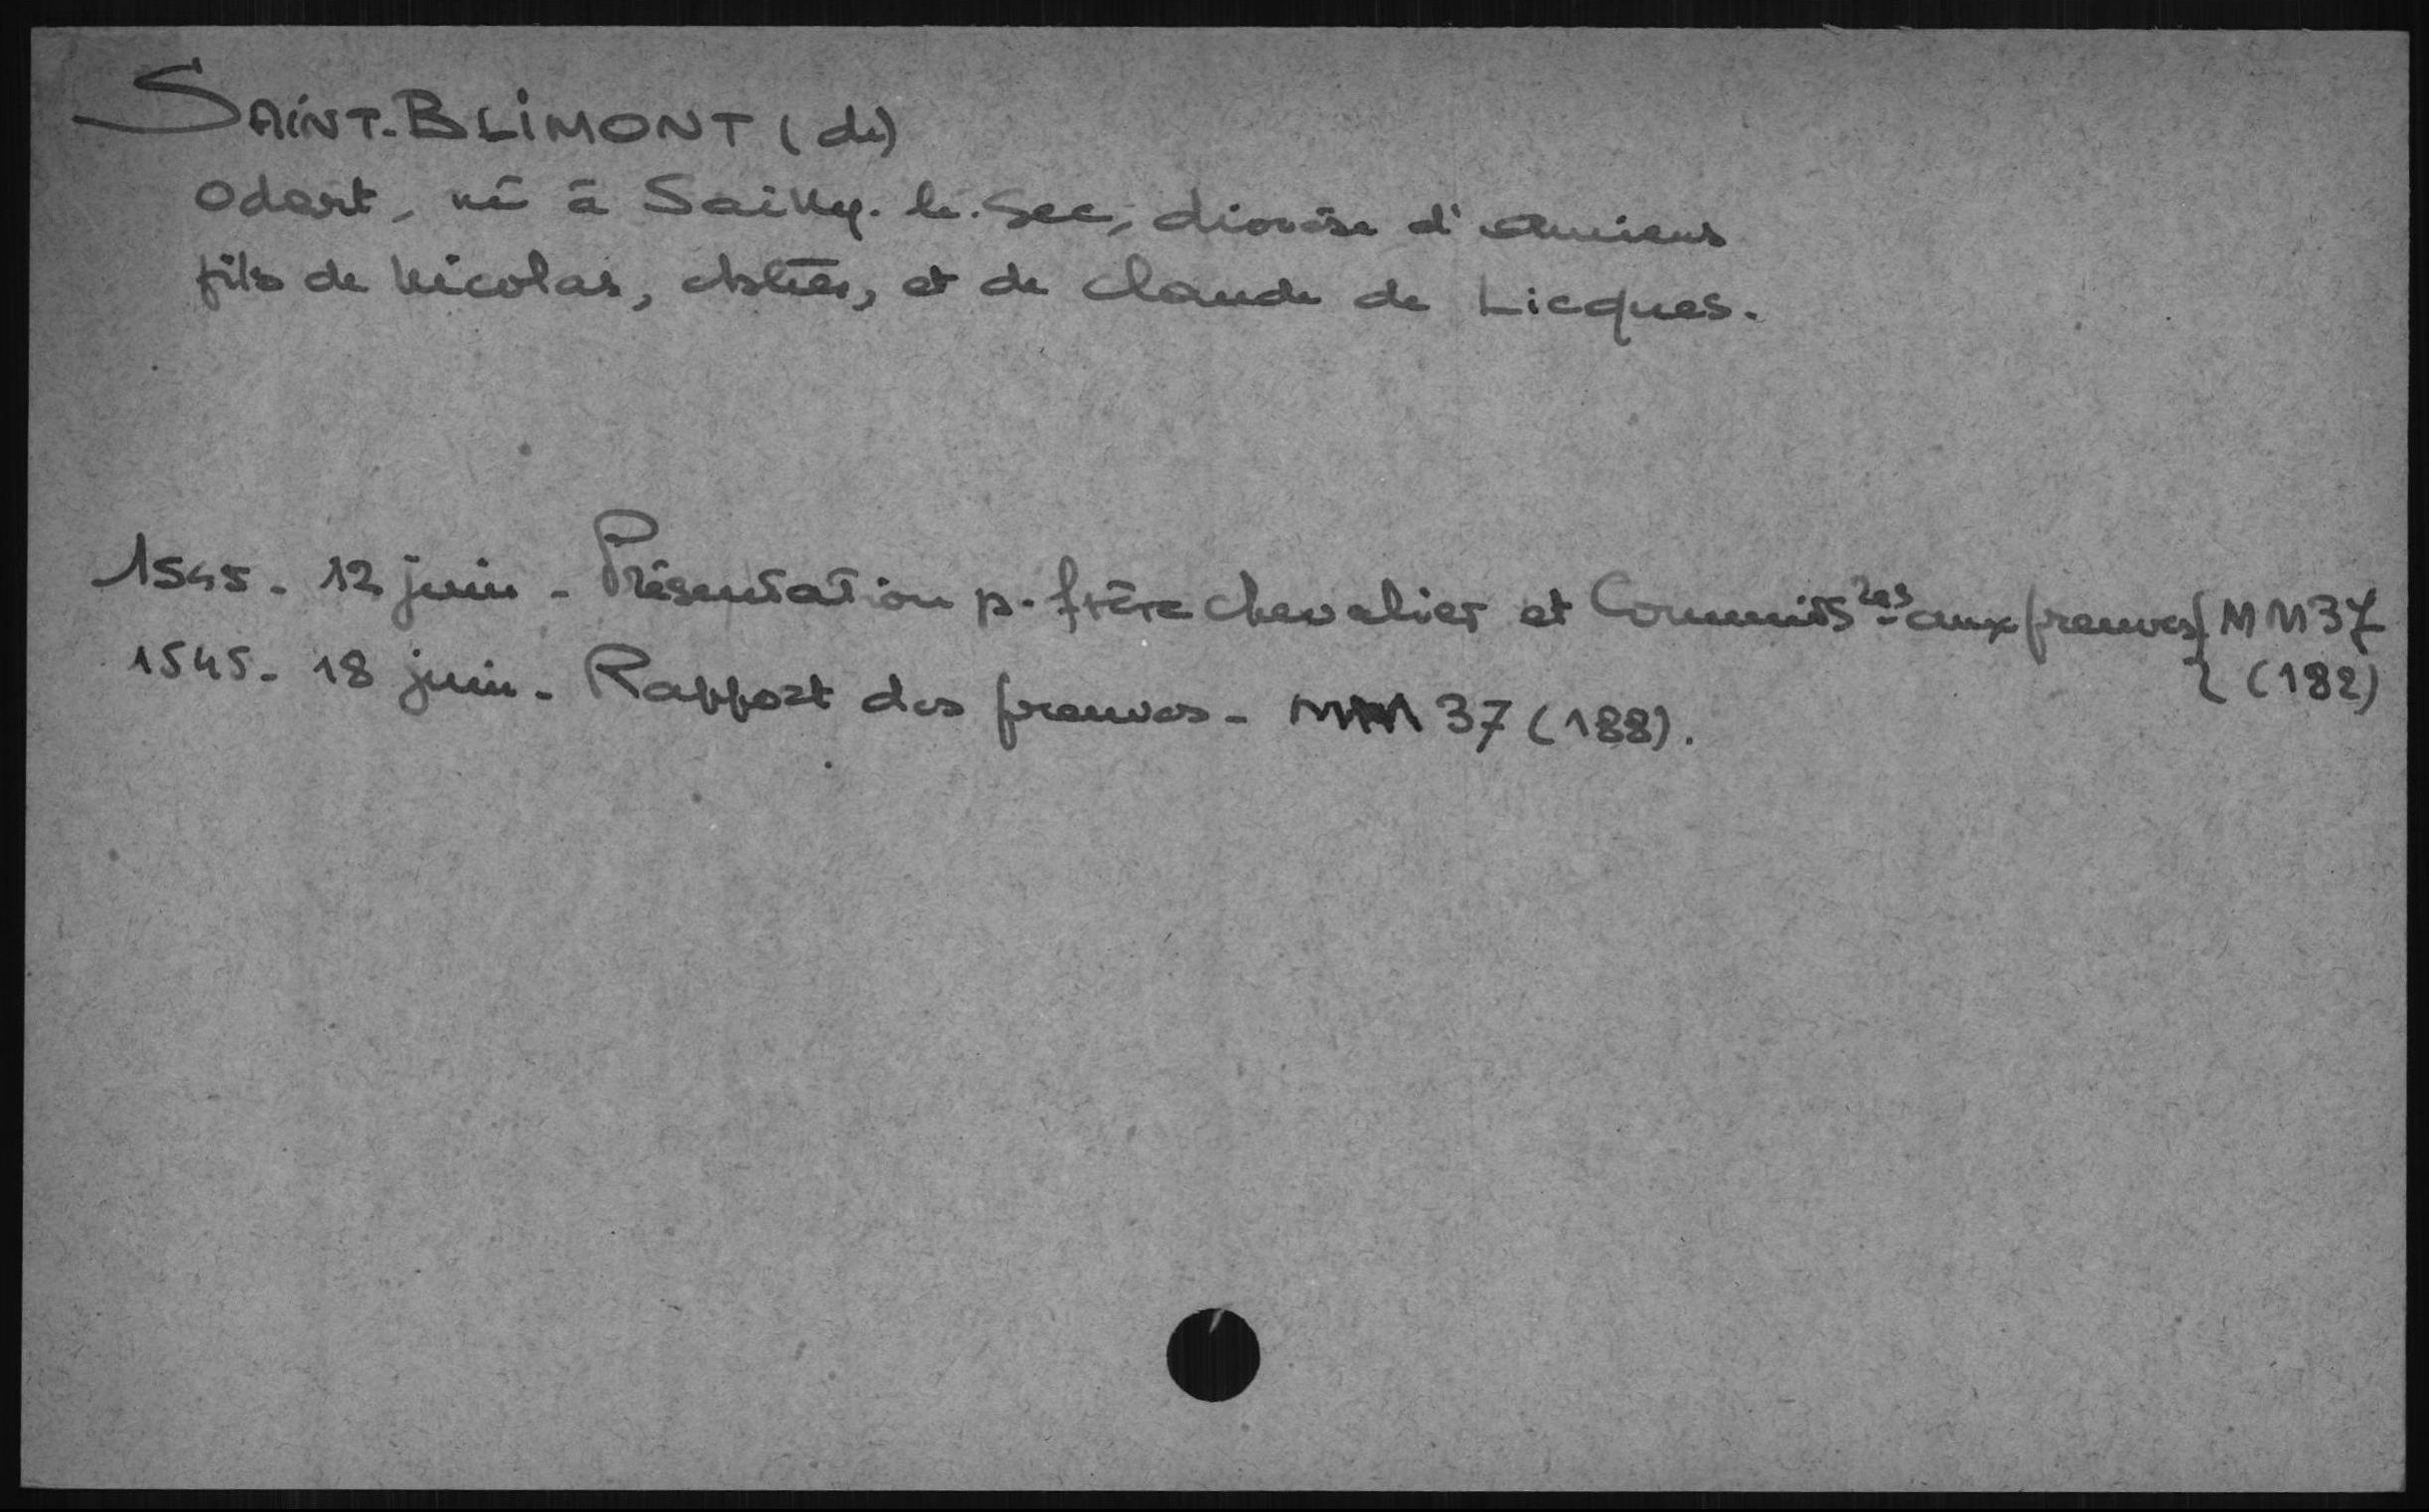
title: SAINT-BLIMONT (de) Odart, né à Sailly-le-Sec, diocèse d'Amiens fils de Nicolas, chevalier, et de Claude de Licques.
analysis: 1545, 12 juin. Présentation pour frère chevalier et commissaires aux preuves. MM 37 (182) 1545, 18 juin. Rapport des preuves. MM 37 (188)
